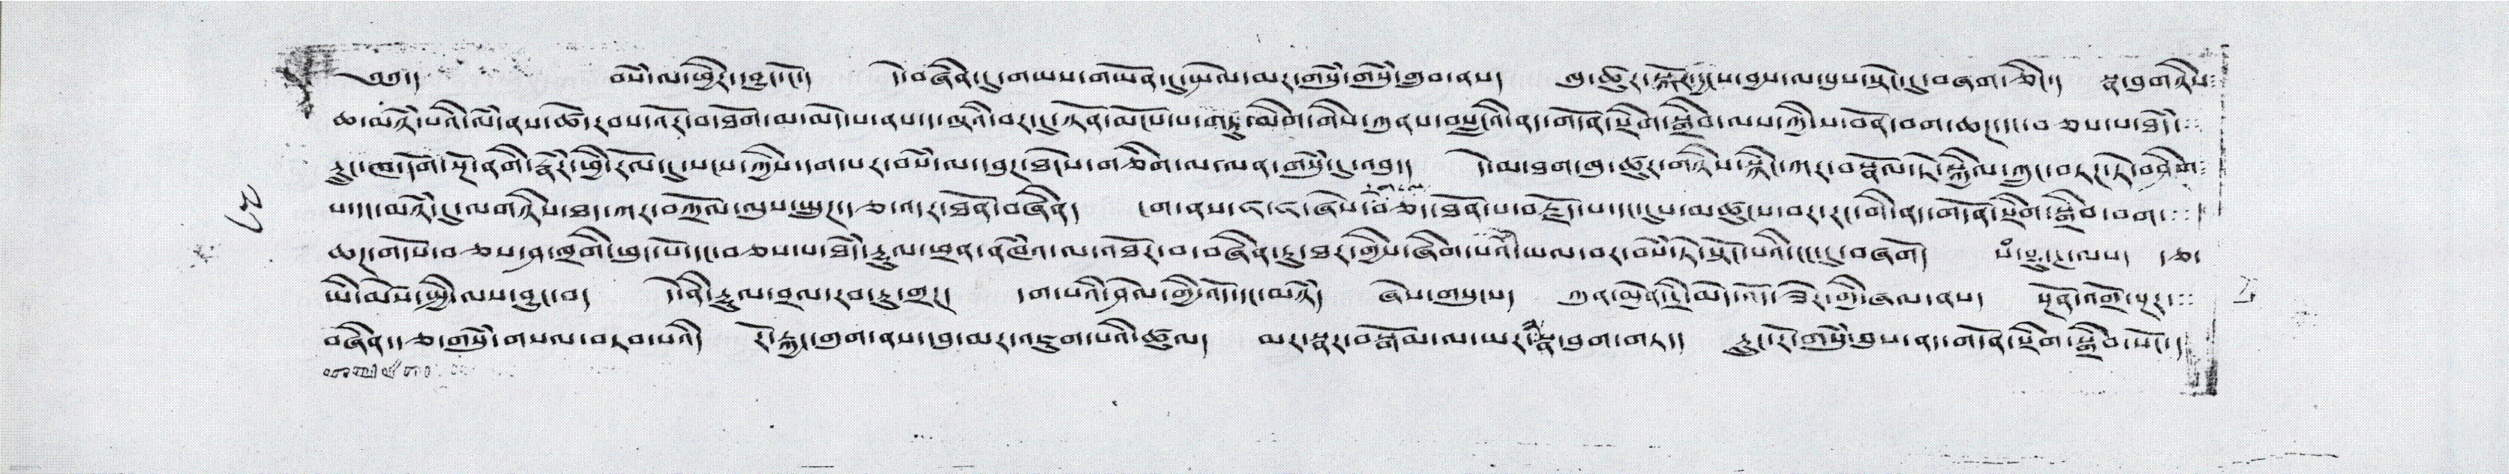བསམ་ལ་ཕྱིར་དབྱུང་ངོ་། དེ་བཞིན་དུ་གཡས་གཡོན་དུ་སྤེལ་མར་གསུམ་གསུམ་གྲུབ་ནས། ཁུ་ཚུར་སྐོར་རྒྱང་བྱས་ལ་པུས་སྟེང་དུ་བཞག་ཅིང་སྣ་བུག་གཉིས་
ཆ་མཉམ་པའི་ལམ་ནས་ཚེ་རབས་འཁོར་བ་ཐོག་མ་མེད་པ་ནས་ད་ལྟའི་བར་དུ་ཉོན་མོངས་པ་གཏི་མུག་གིས་ཀུན་ནས་བསླང་སྟེ་ལས་ཀྱི་ས་བོན་བག་ཆགས་དང་བཅས་པ་ཐམས་ཅད་
རླུང་ཁ་དོག་སྔོ་ནག་གི་རྣམ་པར་ཕྱི་རོལ་དུ་སངས་ཀྱིས་དག་པར་བསམ་ལ་དབུགས་ཐེངས་གཅིག་ལ་ལན་གསུམ་འབུད། དེ་མ་ཐག་ཁུ་ཚུར་གཉིས་སྙིང་ཁར་བསྣོལ་ཏེ་སྐྱིལ་ཀྲུང་བཏགས་ཏེ་བཤིག་
པ་དང་མཉམ་དུ་ལག་གཉིས་ཐད་ཀར་བཀྲོལ་ལུས་སྤྲུག་རྩ་འདར་ཐོན་བཞིན། ངག་ནས་ཧ་ཧ་ཞེས་དྲག་ལ་བཅད་ཐོན་པ་བརྗོད་པ་དང་དུས་མཚུངས་བར་རང་གི་ནད་གདོན་དང་སྡིག་སྒྲིབ་བག་
ཆགས་གདོས་བཅས་ཤ་ཁྲག་གི་ཕུང་པོ་དང་བཅས་པ་ཐམས་ཅད་རྡུལ་ཕྲན་ནམ་མཁའ་ལ་འཐོར་བ་བཞིན་དུ་ཐལ་གྱིས་ཞིག་པའམ་ཡལ་བར་བསམ་སྟེ་སྟོང་པའི་ངང་དུ་བཞག་གོ སཾ་བྷུ་ཊ་ལས། རྩ་
ཡི་མཛེས་སྤྱི་ལས་བྱུང་བ། དེ་ནི་རྡུལ་ཕྲན་རབ་ཏུ་གྲགས། དག་པའི་ཤེལ་གྱི་འོད་དང་མཉམ། ཞེས་གསུངས། ཀུན་མཁྱེན་དྲི་མེད་འོད་ཟེར་གྱི་ཞལ་ནས། སྔོན་འགྲོ་སྔར་
བཞིན་རྩ་གསུམ་གསལ་བཏབ་པའི། རོ་རྐྱང་གུག་ནས་དབུ་མར་འཇུག་པའི་ཚུལ། མར་སྣར་བསྒོམ་ལ་ཡར་སྣར་སྣ་བུག་གཏད། རླུང་རོ་གསུམ་བུས་ནད་གདོན་སྡིག་སྒྲིབ་སོང་།